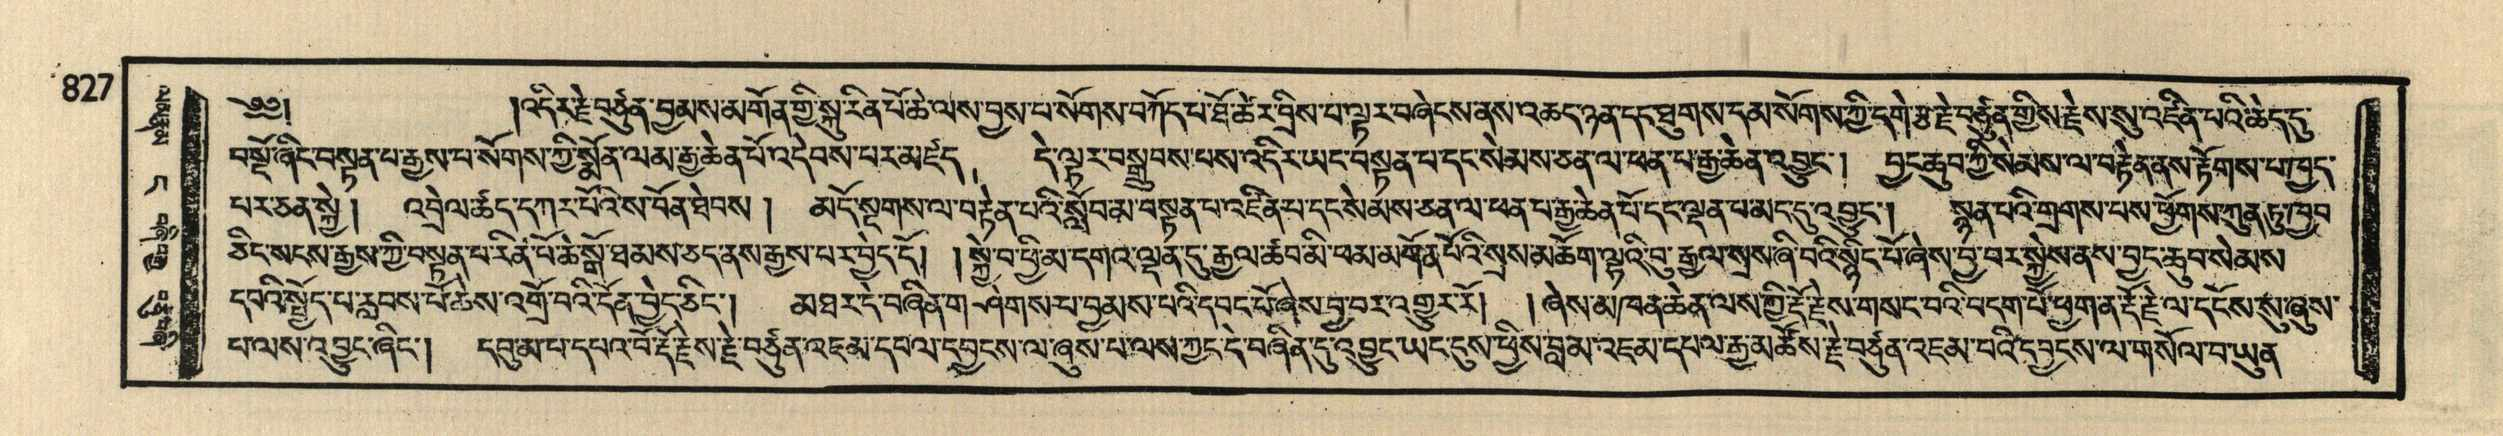༄༅། །འདིར་རྗེ་བཙུན་བྱམས་མགོན་གྱི་སྐུ་རིན་པོ་ཆེ་ལས་བྱས་པ་སོགས་བཀོད་པ་ཐོ་ཚེར་བྲིས་པ་ལྟར་བཞེངས་ནས་འཆད་ཉན་དང་ཐུགས་དམ་སོགས་ཀྱི་དགེ་རྩ་རྗེ་བཙུན་གྱིས་རྗེས་སུ་འཛིན་པའི་ཆེད་དུ་
བསྔོ་ཞིང་བསྟན་པ་རྒྱས་པ་སོགས་ཀྱི་སྨོན་ལམ་རྒྱ་ཆེན་པོ་འདེབས་པར་མཛད། དེ་ལྟར་བསྒྲུབས་པས་འདིར་ཡང་བསྟན་པ་དང་སེམས་ཅན་ལ་ཕན་པ་རྒྱ་ཆེན་འབྱུང་། བྱང་ཆུབ་ཀྱི་སེམས་ལ་བརྟེན་ནས་རྟོགས་པ་ཁྱད་
པར་ཅན་སྐྱེ། འབྲེལ་ཚད་དཀར་པོའི་ས་བོན་ཐེབས། མདོ་སྔགས་ལ་བརྟེན་པའི་སློབ་མ་བསྟན་པ་འཛིན་པ་དང་སེམས་ཅན་ལ་ཕན་པ་རྒྱ་ཆེན་པོ་དང་ལྡན་པ་མང་དུ་འབྱུང་། སྙན་པའི་གྲགས་པས་ཕྱོགས་ཀུན་ཏུ་ཁྱབ་
ཅིང་སངས་རྒྱས་ཀྱི་བསྟན་པ་རིན་པོ་ཆེ་སྒོ་ཐམས་ཅད་ནས་རྒྱས་པར་བྱེད་དོ། །སྐྱེ་བ་ཕྱི་མ་དགའ་ལྡན་དུ་རྒྱལ་ཚབ་མི་ཕམ་མགོན་པོའི་སྲས་མཆོག་ལྷའི་བུ་རྒྱལ་སྲས་ཞི་བའི་སྙིང་པོ་ཞེས་བྱ་བར་སྐྱེས་ནས་བྱང་ཆུབ་སེམས་
དཔའི་སྤྱོད་པ་རླབས་པོ་ཆེས་འགྲོ་བའི་དོན་བྱེད་ཅིང་། མཐར་དེ་བཞིན་གཤེགས་པ་བྱམས་པའི་དབང་པོ་ཞེས་བྱ་བར་འགྱུར་རོ། །ཞེས་མཁན་ཆེན་ལས་ཀྱི་རྡོ་རྗེས་གསང་བའི་བདག་པོ་ཕྱག་ན་རྡོ་རྗེ་ལ་དངོས་སུ་ཞུས་
པ་ལས་འབྱུང་ཞིང་། དབུ་མ་པ་དཔའ་བོ་རྡོ་རྗེས་རྗེ་བཙུན་འཇམ་དཔལ་དབྱངས་ལ་ཞུས་པ་ལས་ཀྱང་དེ་བཞིན་དུ་འབྱུང་ཡང་དུས་ཕྱིས་བླ་མ་འཇམ་དཔལ་རྒྱ་མཚོས་རྗེ་བཙུན་འཇམ་པའི་དབྱངས་ལ་གསོལ་བ་ཡུན་